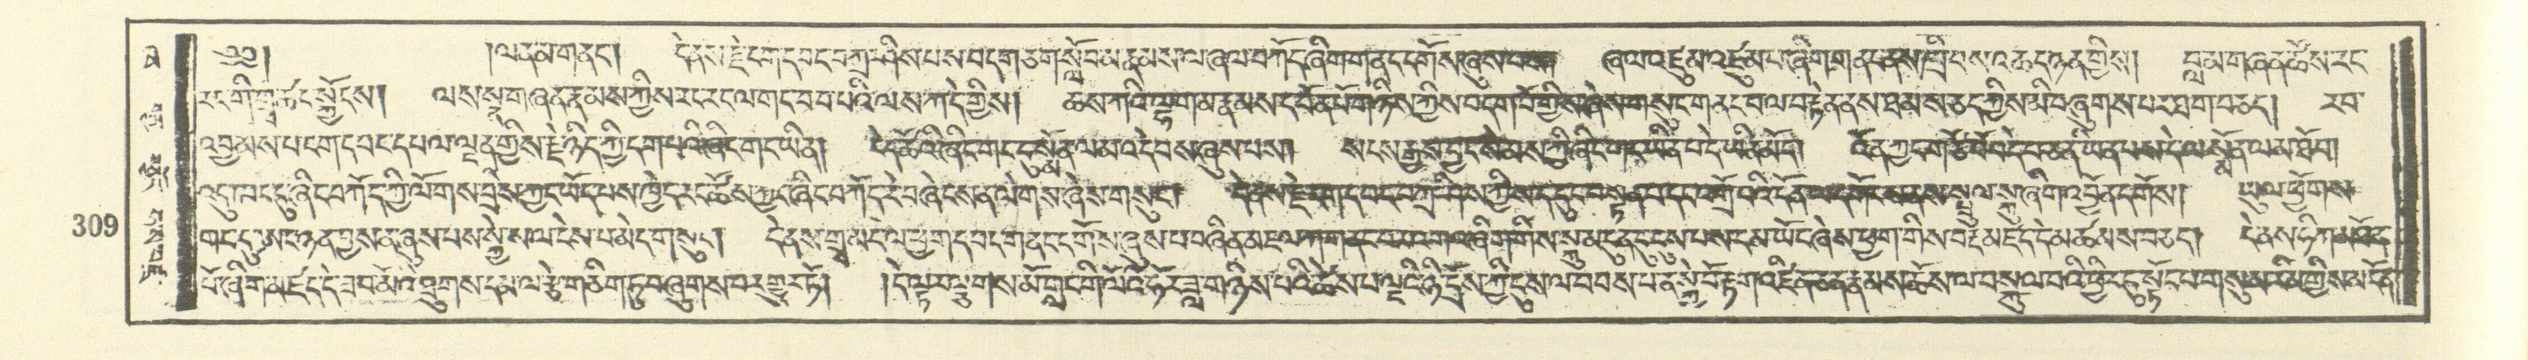༄༅། །ལན་མ་གནང་། དེ་ནས་རྗེ་ངག་དབང་བཀྲ་ཤིས་པས་བདག་ཅག་སློབ་མ་རྣམས་ལ་ཞལ་བཀོད་ཞིག་གནང་དགོས་ཞུས་པས། ཞལ་འཛུམ་འཛུམ་པ་ཞིག་གནང་ནས་ཁྲི་བས་འཆད་ཉན་གྱིས། བླ་མ་གཞན་ཚོས་རང་
རང་གི་གྲྭ་ཚང་སྐྱོངས། ལས་སྣ་གཞན་རྣམས་ཀྱིས་རང་རང་ལ་གང་བབ་པའི་ལས་ཀ་དེ་གྱིས། ཆས་ཀའི་ལྷག་མ་རྣམས་དབོན་པོ་གཉིས་ཀྱིས་བདག་པོ་གྱིས་ཞེས་གསུང་གནང་བ་ལ་བརྟེན་ནས་ཐམས་ཅད་ཀྱིས་མི་བཞུགས་པར་ཐག་བཅད། རབ་
འབྱམས་པ་ངག་དབང་དཔལ་ལྡན་གྱིས་རྗེ་ཉིད་ཀྱི་དག་པའི་ཞིང་གང་ཡིན། ངེད་ཚོའི་ཞིང་གང་དུ་སྨོན་ལམ་འདེབས་ཞུས་པས། སངས་རྒྱས་བྱང་སེམས་ཀྱི་ཞིང་གང་ཡིན་པ་དེ་ཡིན་མོད། འོན་ཀྱང་གཙོ་བོ་བདེ་བ་ཅན་ཡིན་པས་དེ་ལ་སྨོན་ལམ་ཐོབ།
འདུ་ཁང་དུ་ཞིང་བཀོད་ཀྱི་ལོགས་བྲིས་ཀྱང་ཡོད་པས་ཁྱེད་རང་ཚོས་ཀྱང་ཞིང་བཀོད་རེ་བཞེངས་ན་ལེགས་ཞེས་གསུང་། དེ་ནས་རྗེ་ངག་དབང་བཀྲ་ཤིས་ཀྱིས་ད་དུང་བསྟན་པ་དང་འགྲོ་བའི་དོན་ལ་དགོངས་ནས་སྤྲུལ་སྐུ་ཞིག་འབྱོན་དགོས། ཡུལ་ཕྱོགས་
གང་དུ་ཨང་ཉན་བྱས་ན་ཞུས་པས་སྐྱེས་ལ་ངེས་པ་མེད་གསུང་། དེ་ནས་གྲྭ་མང་ལ་ཕྱག་དབང་གནང་དགོས་ཞུས་པ་བཞིན་མཇལ་ཀ་གནང་བར་འགའ་ཞིག་གིས་སྐུ་མདུན་དུ་དུས་པས་དམ་ཡོང་ཞེས་ཕྱག་གིས་བརྡ་མཛད་དེ་མཚམས་བཅད། དེ་ནས་ཧིཀ་མཐོན་
པོ་ཞིག་མཛད་དེ་ཟབ་མོའི་ཐུགས་དམ་ལ་རྩེ་གཅིག་ཏུ་བཞུགས་པར་གྱུར་ཏོ། །དེ་ལྟར་ལྕགས་མོ་གླང་གི་ལོའི་ཧོར་ཟླ་གཉིས་པའི་ཚེས་པ་ལྔའི་ཉི་དྲོས་ཀྱི་དུས་ལ་བབས་པ་ན་སྐྱེ་བོ་རྟག་འཛིན་ཅན་རྣམས་ཆོས་ལ་བསྐུལ་བའི་ཕྱིར་དུ་སྟོང་པ་གསུམ་རིམ་གྱིས་མངོན་